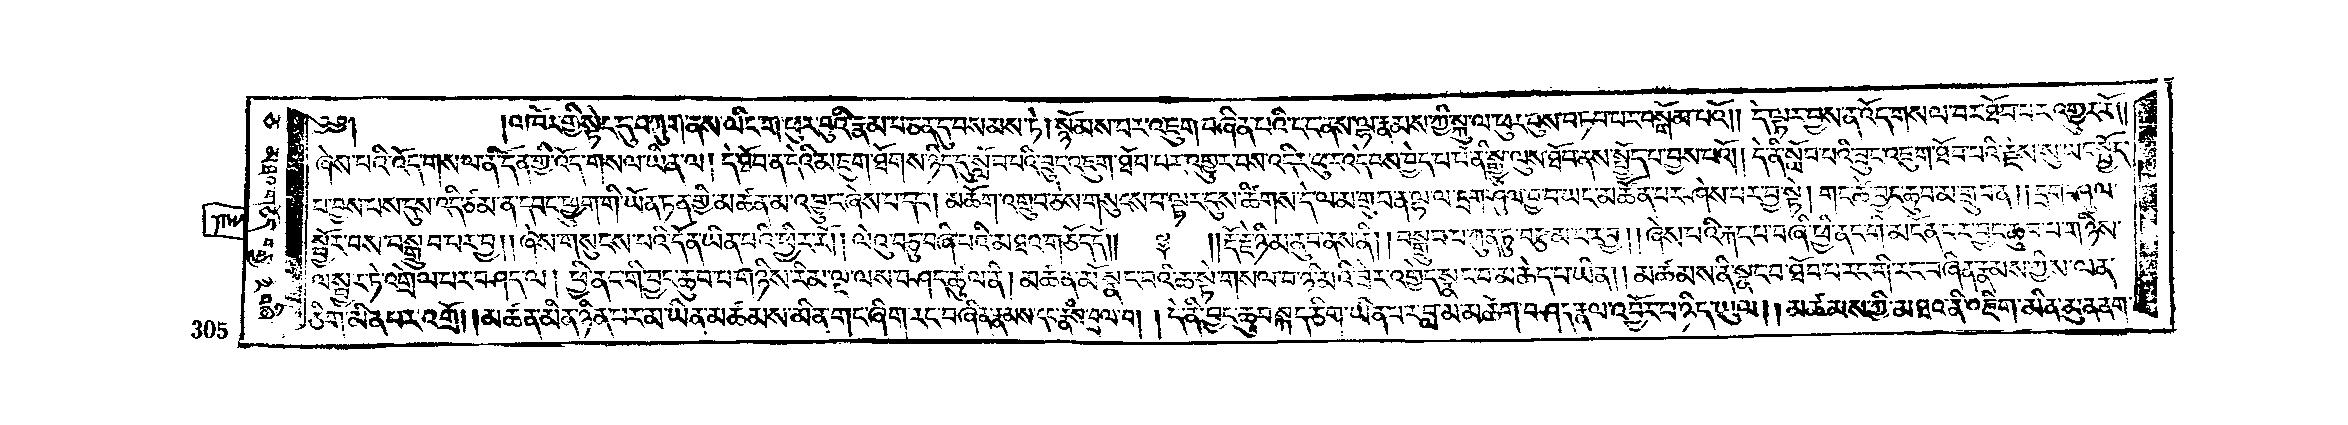༄༅། །འཁོར་གྱི་སྟེང་དུ་བཀུག་ནས་ལིང་ག་ཕུར་བུའི་རྣམ་པ་ཅན་དུ་བསམས་ཏེ། སྙོམས་པར་འཇུག་བཞིན་པའི་ངང་ནས་ལྷ་རྣམས་ཀྱི་སྐུ་ལ་ཕུར་བུས་བཏབ་པར་བསྒོམ་པའོ། །དེ་ལྟར་བྱས་ན་འོད་གསལ་བར་ཐོབ་པར་འགྱུར་རོ། །
ཞེས་པའི་འོད་གསལ་ནི་དོན་གྱི་འོད་གསལ་ཡིན་ལ། དེ་ཐོབ་ན་དེའི་མཇུག་ཐོགས་ཉིད་དུ་སློབ་པའི་ཟུང་འཇུག་ཐོབ་པར་འགྱུར་བས་འདིར་ཕུར་འདེབས་བྱེད་པ་པོ་ནི་སྒྱུ་ལུས་ཐོབ་ནས་སྤྱོད་པ་བྱས་པའོ། །དེ་ནི་སློབ་པའི་ཟུང་འཇུག་ཐོབ་པའི་རྗེས་སུ་ཡང་སྤྱོད་
པ་བྱས་པས་དུས་འདི་ཙམ་ན་དབང་ཕྱུག་གི་ཡོན་ཏན་གྱི་མཚན་མ་འབྱུང་ཞེས་པ་དང་། མཆོག་འགྲུབ་ཅེས་གསུངས་པ་ལྟར་དུས་ཚིགས་དེ་ལ་མ་གྲུབ་ན་ལྷ་ལ་དྲག་ཤུལ་བྱ་བ་ཡང་མཚོན་པར་ཤེས་པར་བྱ་སྟེ། གང་ཚེ་བྱང་ཆུབ་མ་གྲུབ་ན། །དག་ཤུལ་
སྦྱོར་བས་བསྒྲུབ་པར་བྱ། །ཞེས་གསུངས་པའི་དོན་ཡིན་པའི་ཕྱིར་རོ། །ལེའུ་བཅུ་བཞི་པའི་མཐའ་གཅོད་དོ།། ༈ །།རྡོ་རྗེ་ཉི་མ་ནུབ་ནས་ནི། །བསྒྲུབ་པ་ཀུན་ཏུ་བརྩམ་པར་བྱ། །ཞེས་པའི་རྐང་པ་བཞི་ཕྱི་ནང་གི་མངོན་པར་བྱང་ཆུབ་པ་གཉིས་
ལ་སྦྱར་ཏེ་འགྲེལ་པར་བཤད་ལ། ཕྱི་ནང་གི་བྱང་ཆུབ་པ་གཉིས་རིམ་ལྔ་ལས་བཤད་ཚུལ་ནི། མཚན་མོ་སྣང་བའི་ཆ་སྟེ་གསལ་བ་ཉི་མའི་ཟེར་འགྱེད་སྣང་བ་མཆེད་པ་ཡིན། །མཚམས་ནི་སྣང་བ་ཐོབ་པ་རང་གི་རང་བཞིན་རྣམས་ཀྱིས་ལན་
ཅིག་མིན་པར་འགྲོ། །མཚན་མིན་ཉིན་པར་མ་ཡིན་མཚམས་མིན་གང་ཞིག་རང་བཞིན་རྣམས་དང་རྣམས་བྲལ་བ། །དེ་ནི་བྱང་ཆུབ་སྐད་ཅིག་ཡིན་པར་བླ་མ་མཆོག་བཤད་རྣལ་འབྱོར་བ་ཉིད་ཡུལ། །མཚམས་ཀྱི་མཐའ་ནི་འཇིག་མིན་མུན་ནག་